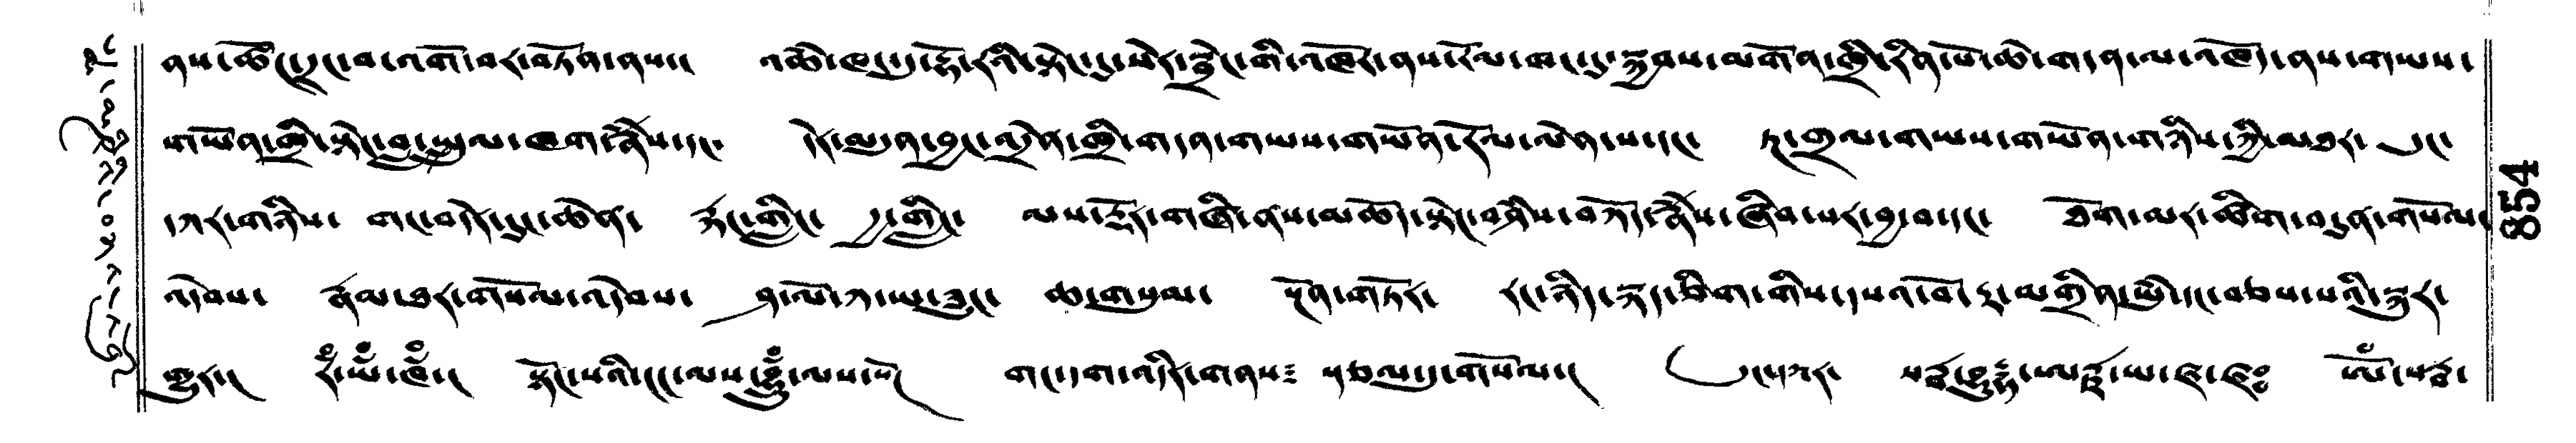ནས་ཚོགས་དྲང་བའི་འགོ་བར་བཏོན་ནས། འཆམ་ཁང་དུ་རྡོ་རྭའི་སྟེང་དུ་སེར་སྦྲེང་གིས་བསྐོར་ནས་རོལ་ཁང་དུ་སྐྱབས་མགོན་ཁྲི་རིན་པོ་ཆེ་གདན་ལ་འཁོད་ནས་གཡས་
གཡོན་ཁྲི་སྟེང་བླ་སྤྲུལ་ཁག་རྣམས་དང་། དེ་མདུན་བྱང་འདྲེན། ཁྲི་གདན་གཡས་གཡོན་དུ་རོལ་ལེན་པ་དང་།རྔ་གྲལ་གཡས་གཡོན་གཉིས་ཀྱི་མཐར། དུང་
དཀར་གཉིས། གང་བདེར་དུང་ཆེན། རྐང་གླིང་། རྒྱ་གླིང་། ལས་རྡོར་བཞི་ནས་མཆོད་སྟེགས་བཤམས་བཀོད་རྣམས་ཞིབ་པར་བྱ་བ་དང་། ཐོག་མར་ཚིག་བདུན་གསོལ་
འདེབས། རྣམ་ཐར་གསོལ་འདེབས། ཤྭ་ལོ་ཀ་ཡ་ཟུང་། ཆ་གསུམ། སྔོན་གཏོར། རང་ཉིད་སྐད་ཅིག་གིས་དཔའ་བོ་རྟ་མགྲིན་ཡུམ་དང་བཅས་པའི་སྐུར་
གྱུར། རྃ་ཡྃ་ཁྃ། སྟོང་པའི་ངང་ལས་བྷྲུྃ་ལས་སོགས། གང་དག་འདིར་གནས༴ སྩལ་དུ་གསོལ། དུང་དཀར། སརྦ་བྷུ་དྷ་ཨཀརྴ་ཡ་ཛ་ཛཿ ཨོཾ་སརྦ་